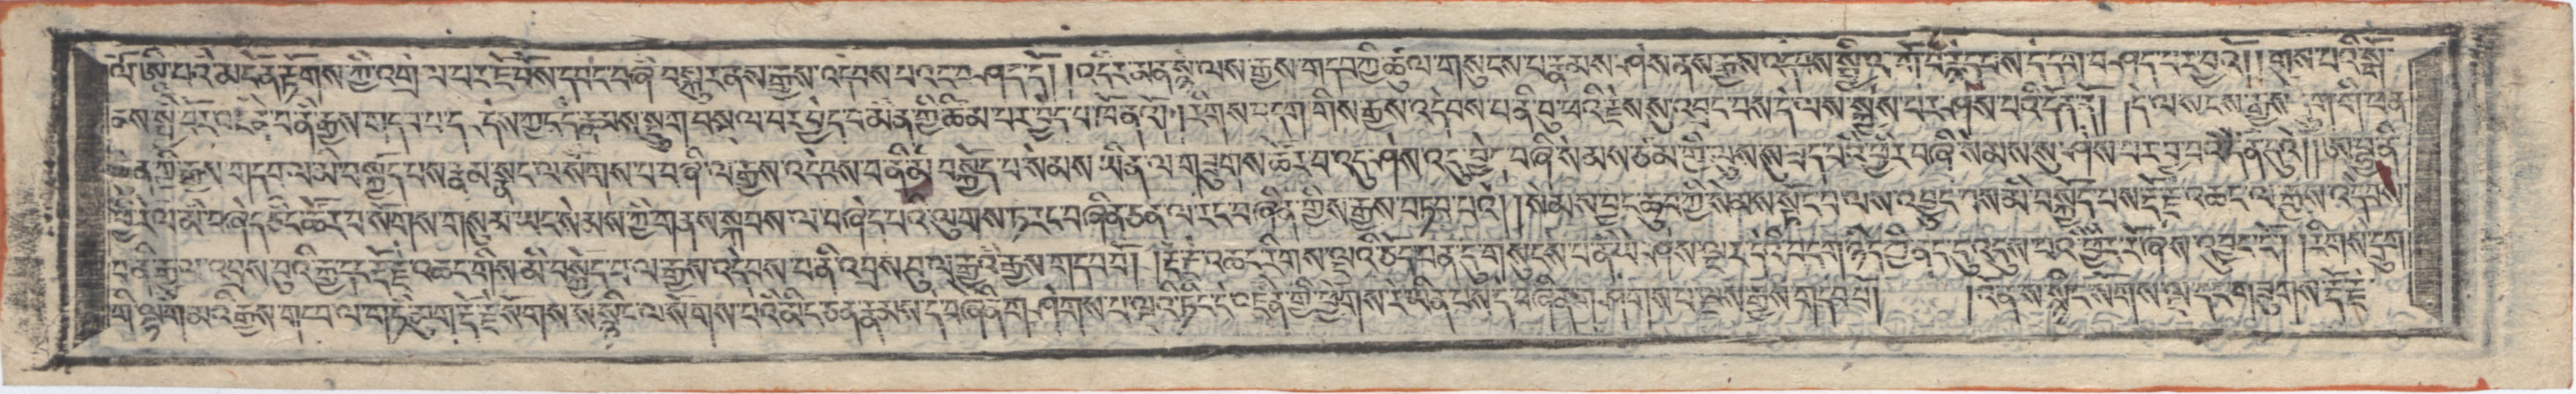ལོ་ཨཱི་པའི་མངོན་རྟོགས་ཀྱི་འགྲེལ་པར་ཇོ་བོས་དབང་བཞི་བསྐུར་ནས་རྒྱས་འདེབས་པའང་བཤད་དོ། །འདིར་མན་སྙེ་ལས་རྒྱས་གདབ་ཀྱི་ཚུལ་གསུངས་པ་རྣམས་ཤེས་ནས་རྒྱས་འདེབས་སྤྱི་ལ་གོ་བ་རྙེད་པས་དེ་དག་བཤད་པར་བྱའོ། །གུས་པའི་སྒོ་
ནས་སྤྱི་བོར་འཛིན་པ་ནི་རྒྱས་གདབ་པ་དང་དེས་ཀྱང་དེ་རྣམས་སྡུག་བསྔལ་བར་བྱེད་པ་མིན་གྱི་ཚིམ་པར་བྱེད་པ་ཁོ་ནའོ། །རིགས་བདག་གིས་རྒྱས་འདེབས་པ་ནི་བུ་ཕའི་རྗེས་སུ་འབྲང་བས་དེ་ལས་སྐྱེས་པར་ཤེས་པའི་དོན་ནོ། །དེ་ལ་སངས་རྒྱས་དྲུག་གི་ཕན་
ཚུན་གྱི་རྒྱས་གདབ་ལ་མི་བསྐྱོད་པས་རྣམ་སྣང་ལ་སོགས་པ་བཞི་ལ་རྒྱས་འདེབས་པ་ནི་མི་བསྐྱོད་པ་སེམས་ཡིན་ལ་གཟུགས་ཚོར་བ་འདུ་ཤེས་འདུ་བྱེད་བཞི་སེམས་ཙམ་གྱི་ལུས་སུ་ཟད་པའི་ཕྱིར་བཞི་སེམས་སུ་ཤེས་པར་བྱ་བའི་དོན་དུའོ། །ཨ་བྷྱ་ནི་
ཕྱི་རོལ་མི་བཞེད་ཅིང་ཚོར་བ་སོགས་གསུམ་ཡང་སེམས་ཀྱི་གནས་སྐབས་ལ་བཞེད་པའི་ལུགས་ཏེ་རང་བཞིན་ཅན་ལ་རང་བཞིན་གྱིས་རྒྱས་བཏབ་པའོ། །སེམས་བྱང་ཆུབ་ཀྱི་སེམས་སྟོང་པ་ལས་འབྱུང་བས་མི་བསྐྱོད་པས་རྡོ་རྗེ་འཆང་ལ་རྒྱས་འདེབ་
པ་ནི་རྒྱུ་ལ་འབྲས་བུའི་རྒྱ་དང་རྡོ་རྗེ་འཆང་གིས་མི་བསྐྱེད་པ་ལ་རྒྱས་འདེབས་པ་ནི་འབྲས་བུ་ལ་རྒྱུའི་རྒྱས་གདབ་བོ། །རྡོ་རྗེ་འཆང་རིགས་ལྔའི་ཅོད་པན་དུ་གསུངས་པ་ནི་ཡེ་ཤེས་ལྔར་དེའི་བདག་ཉིད་ཀྱི་ནང་དུ་འདུས་པའི་ཕྱིར་རོ་ཞེས་འབྱུང་ངོ། །རིགས་དྲུག་
གི་ལྷག་མའི་རྒྱས་གདབ་ལ་གཏི་མུག་རྡོ་རྗེ་སོགས་ས་སྙིང་ལ་སོགས་པའི་མིང་ཅན་རྣམས་དེ་བཞིན་གཤེགས་པ་ལྔའི་ཏིང་ངེ་འཛིན་གྱི་ཕྱོགས་རེ་ཡིན་པས་དེ་བཞིན་གཤེགས་པ་ལྔས་རྒྱས་གདབ་པོ། །འོ་ན་ས་སྙིང་སོགས་ལྔ་དང་གཟུགས་རྡོ་རྗེ་